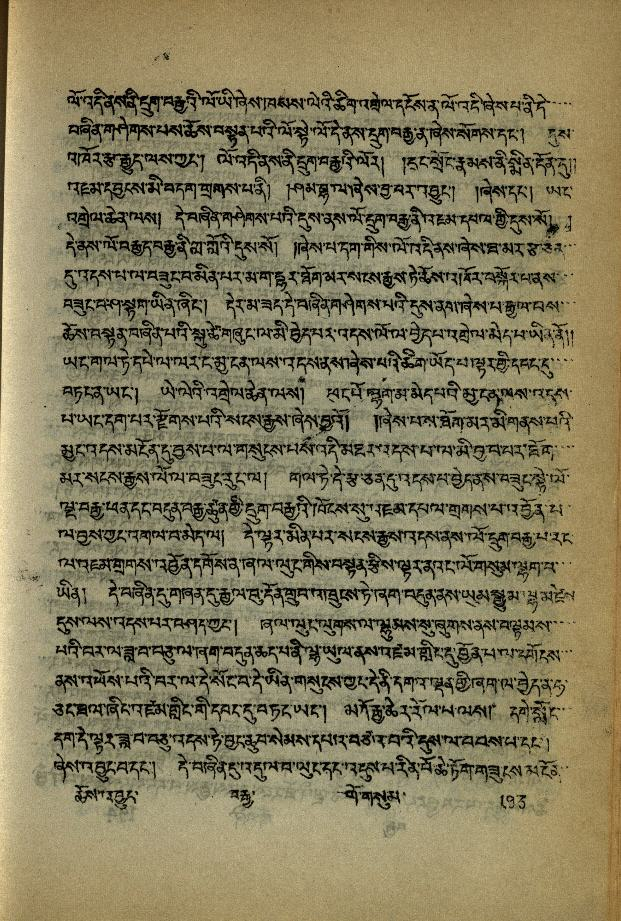ལོ་འདི་ནས་ནི་དྲུག་བརྒྱའི་ལོ་ཡི་ཞེས་ཁམས་ལེའི་ཚིག་འགྲེལ་དངོས་ན་ལོ་འདི་ཞེས་པ་ནི་དེ་
བཞིན་གཤེགས་པས་ཆོས་བསྟན་པའི་ལོ་སྟེ་ལོ་དེ་ནས་དྲུག་བརྒྱ་ན་ཞེས་སོགས་དང་། དུས་
འཁོར་རྩ་རྒྱུད་ལས་ཀྱང་། ལོ་འདི་ནས་ནི་དྲུག་བརྒྱའི་ལོར། །དྲང་སྲོང་རྣམས་ནི་སྨིན་དོན་དུ།།
འཇམ་དབྱངས་མི་བདག་གྲགས་པ་ནི། །ཤམ་བྷ་ལ་ཞེས་བྱ་བར་འབྱུང་། །ཞེས་དང་། ཡང་
འགྲེལ་ཆེན་ལས། དེ་བཞིན་གཤེགས་པའི་དུས་ནས་ལོ་དྲུག་བརྒྱ་ནི་འཇམ་དཔལ་གྱི་དུས་སོ། །
དེ་ནས་ལོ་བརྒྱད་བརྒྱ་ནི་ཀླ་ཀློའི་དུས་སོ། །ཞེས་པ་དག་གིས་ལོ་འདི་ནས་ཞེས་ཐ་མར་རྩ་ཅན་
དུ་འདས་པ་ལ་བཟུང་བ་མིན་པར་མ་ག་དྷར་ཐོག་མར་སངས་རྒྱས་ཏེ་ཆོས་འཁོར་བསྐོར་པ་ནས་
བཟུང་བ་ཤ་སྟག་ཡིན་ཞིང་། དེར་མ་ཟད་དེ་བཞིན་གཤེགས་པའི་དུས་ནག་ཞེས་པ་རྒྱལ་བས་
ཆོས་བསྟན་བཞིན་པའི་སྐུ་ཚེ་གཞུང་ལ་མི་བྱེད་པར་འདས་ལོ་ལ་བྱེད་པ་འགྲེལ་མེད་པ་ཡིན་ནོ།།
ཡང་གལ་ཏེ་དཔེ་ལ་ལར་ང་མྱ་ངན་ལས་འདས་ནས་ཞེས་པའི་ཚིག་ཡོད་པ་ལྟར་གྱི་དབང་དུ་
བཏང་ན་ཡང་། ཡེ་ལེའི་འགྲེལ་ཆེན་ལས། ཕུང་པོ་ལྷག་མ་མེད་པའི་མྱ་ངན་ལས་འདས་
པ་ཡང་དག་པར་རྫོགས་པའི་སངས་རྒྱས་ཞེས་བྱའོ། །ཞེས་པས་ཐོག་མར་མི་གནས་པའི་
མྱང་འདས་མངོན་དུ་བྱས་པ་ལ་གསུངས་པས་འདི་མཐར་འདས་པ་ལ་མི་བྱ་བ་པར་ཐོག་
མར་སངས་རྒྱས་ལོ་ལ་བཟུང་རུང་ལ། གལ་ཏེ་དེ་རྩ་ཅན་དུ་འདས་པ་བྱེད་ནས་བཟུང་སྟེ་ལོ་
ལྔ་བརྒྱ་ཕན་དང་བདུན་བརྒྱ་ཚུན་གྱི་དྲུག་བརྒྱའི་ཁོངས་སུ་འཇམ་དཔལ་གྲགས་པ་འབྱོན་པ་
ལ་བྱས་ཀྱང་འགལ་བ་མེད་ལ། དེ་ལྟར་མིན་པར་སངས་རྒྱས་འདས་ནས་ལོ་དྲུག་བརྒྱ་པ་རང་
ལ་འཇམ་གྲགས་འབྱོན་དགོས་ན་ཞལ་ལུང་གིས་བསྟན་རྩིས་ལྟར་ནའང་ལོ་གསུམ་ལྷག་པ་
ཡིན། དེ་བཞིན་དུ་གཞན་དུ་རྒྱལ་བུ་དོན་གྲུབ་འཁྲུངས་ཏེ་ཞག་བདུན་ནས་ཡུམ་སྒྱུ་མ་ལྷ་མཛེས་
དུས་ལས་འདས་པར་བཤད་ཀྱང་། ཞལ་ལུང་ལུགས་ལ་ལྷུམས་སུ་ཞུགས་ནས་བལྟམས་
པའི་བར་ལ་ཟླ་བ་བཅུ་ལ་ཞག་བདུན་ཆད་པ་ནི་ལྷ་ཡུལ་ནས་འཛམ་གླིང་དུ་བྱོན་པ་ལ་དགོངས་
ནས་འཕོས་པའི་བར་ལ་དེ་སོང་བ་དེ་ཡིན་གསུངས་ཀྱང་དེ་ནི་དགའ་ལྡན་གྱི་ཞག་ལ་བྱེད་ན་ཧ་
ཅང་ཐལ་ཞིང་འཛམ་གླིང་གི་དབང་དུ་བཏང་ཡང་། མགོ་རྒྱ་ཆེར་རོལ་པ་ལས། དགེ་སློང་
དག་དེ་ལྟར་ཟླ་བ་བཅུ་འདས་ཏེ་བྱང་ཆུབ་སེམས་དཔའ་བཙའ་བའི་དུས་ལ་བབས་པ་དང་།
ཞེས་འབྱུང་བ་དང་། དེ་བཞིན་དུ་འདུལ་བ་ལུང་དང་འདུས་པ་རིན་པོ་ཆེ་ཏོག་གཟུངས་མངོན་